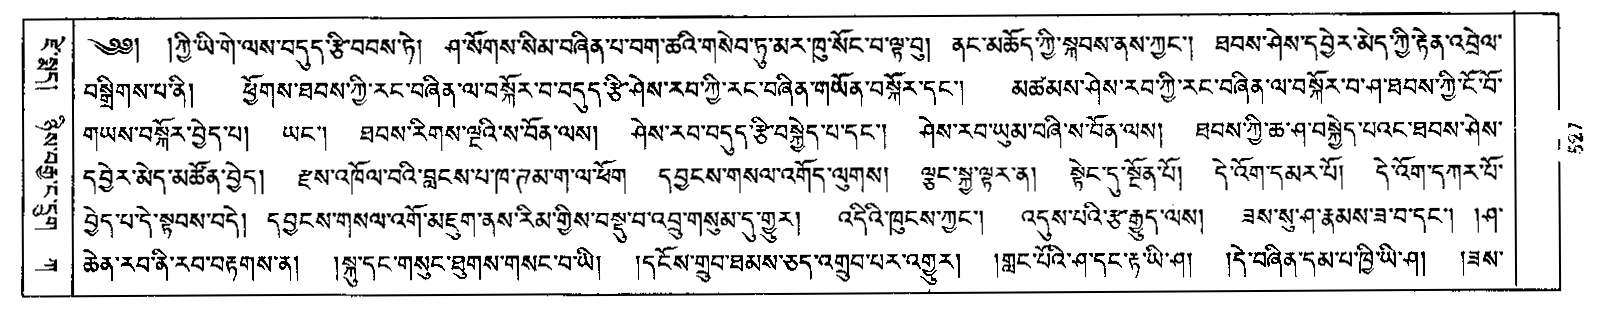༄༅། །ཀྱི་ཡི་གེ་ལས་བདུད་རྩི་བབས་ཏེ། ཤ་སོགས་སིམ་བཞིན་པ་བག་ཚའི་གསེབ་ཏུ་མར་ཁུ་སོང་བ་ལྟ་བུ། ནང་མཆོད་ཀྱི་སྐབས་ནས་ཀྱང་། ཐབས་ཤེས་དབྱེར་མེད་ཀྱི་རྟེན་འབྲེལ་
བསྒྲིགས་པ་ནི། ཕྱོགས་ཐབས་ཀྱི་རང་བཞིན་ལ་བསྐོར་བ་བདུད་རྩི་ཤེས་རབ་ཀྱི་རང་བཞིན་གཡོན་བསྐོར་དང་། མཚམས་ཤེས་རབ་ཀྱི་རང་བཞིན་ལ་བསྐོར་བ་ཤ་ཐབས་ཀྱི་ངོ་བོ་
གཡས་བསྐོར་བྱེད་པ། ཡང་། ཐབས་རིགས་ལྔའི་ས་བོན་ལས། ཤེས་རབ་བདུད་རྩི་བསྐྱེད་པ་དང་། ཤེས་རབ་ཡུམ་བཞི་ས་བོན་ལས། ཐབས་ཀྱི་ཆ་ཤ་བསྐྱེད་པའང་ཐབས་ཤེས་
དབྱེར་མེད་མཚོན་བྱེད། རྫས་འཁོལ་བའི་བླངས་པ་ཁ་ཊམ་ག་ལ་ཕོག་དབྱངས་གསལ་འགོད་ལུགས། ལྕང་སྐྱ་ལྟར་ན། སྟེང་དུ་སྔོན་པོ། དེ་འོག་དམར་པོ། དེ་འོག་དཀར་པོ་
བྱེད་པ་དེ་སྟབས་བདེ། དབྱངས་གསལ་འགོ་མཇུག་ནས་རིམ་གྱིས་བསྡུ་བ་འབྲུ་གསུམ་དུ་གྱུར། འདིའི་ཁུངས་ཀྱང་། འདུས་པའི་རྩ་རྒྱུད་ལས། ཟས་སུ་ཤ་རྣམས་ཟ་བ་དང་། །ཤ་
ཆེན་རབ་ནི་རབ་བརྟགས་ན། །སྐུ་དང་གསུང་ཐུགས་གསང་བ་ཡི། །དངོས་གྲུབ་ཐམས་ཅད་འགྲུབ་པར་འགྱུར། །གླང་པོའི་ཤ་དང་རྟ་ཡི་ཤ། །དེ་བཞིན་དམ་པ་ཁྱི་ཡི་ཤ། །ཟས་